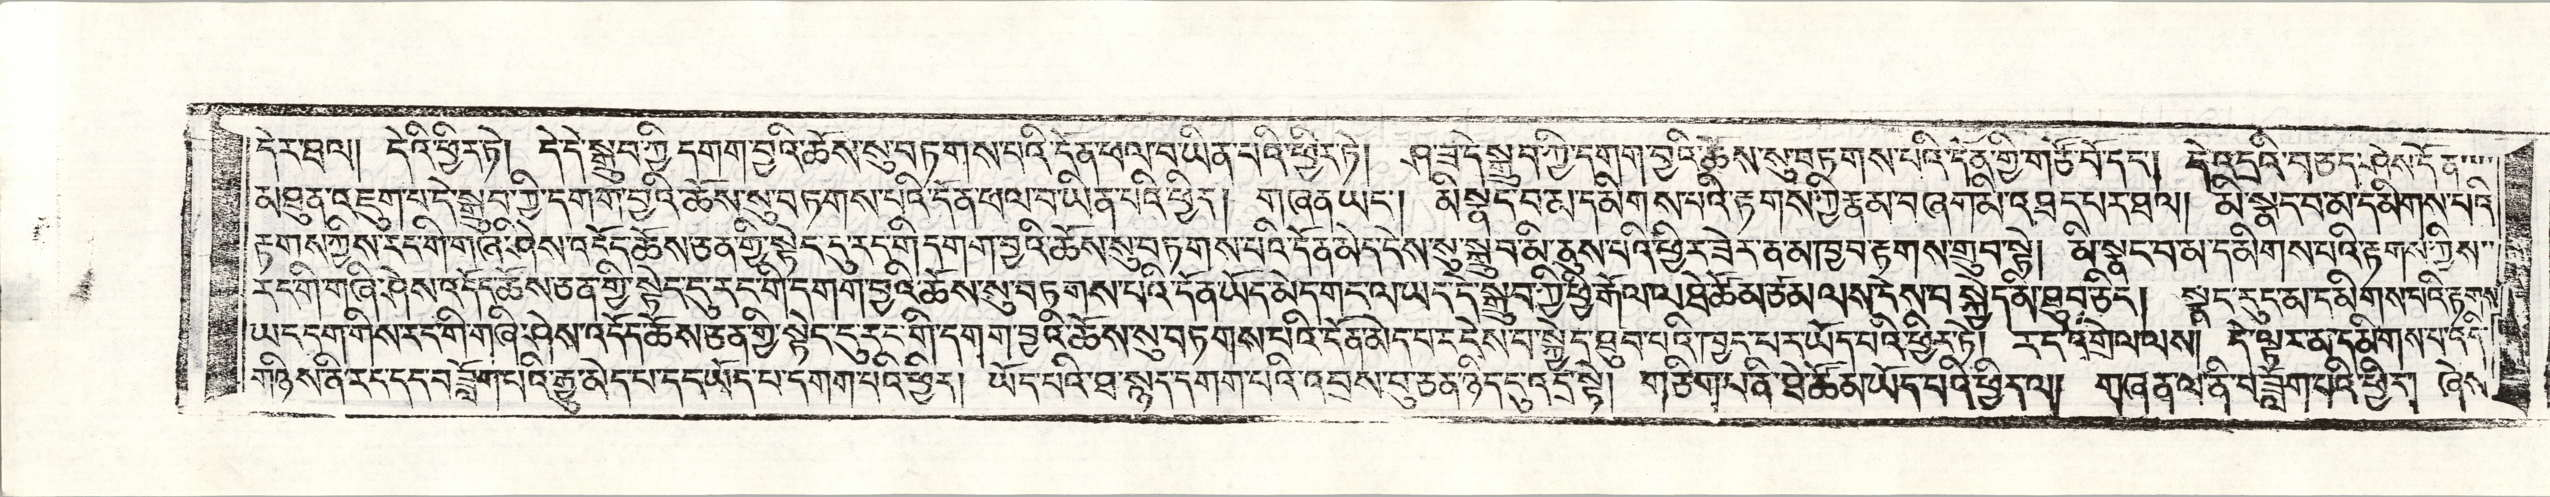དེར་ཐལ། དེའི་ཕྱིར་ཏེ། དེ་དེ་སྒྲུབ་ཀྱི་དགག་བྱའི་ཆོས་སུ་བཏགས་པའི་དོན་ཕལ་བ་ཡིན་པའི་ཕྱིར་ཏེ། ཤ་ཟ་དེ་སྒྲུབ་ཀྱི་དགག་བྱའི་ཆོས་སུ་བཏགས་པའི་དོན་གྱི་གཙོ་བོ་དང་། དེ་འདྲའི་བཅད་ཤེས་དོན་
མཐུན་འཇུག་པ་དེ་སྒྲུབ་ཀྱི་དགག་བྱའི་ཆོས་སུ་བཏགས་པའི་དོན་ཕལ་བ་ཡིན་པའི་ཕྱིར། གཞན་ཡང་། མི་སྣང་བ་མ་དམིགས་པའི་རྟགས་ཀྱི་རྣམ་བཞག་མི་འཐད་པར་ཐལ། མི་སྣང་བ་མ་དམིགས་པའི་
རྟགས་ཀྱིས་རང་གི་གཞི་ཤེས་འདོད་ཆོས་ཅན་གྱི་སྟེང་དུ་རང་གི་དགག་བྱའི་ཆོས་སུ་བཏགས་པའི་དོན་མེད་ངེས་སུ་སྒྲུབ་མི་ནུས་པའི་ཕྱིར་ཟེར་ན་མ་ཁྱབ། རྟགས་གྲུབ་སྟེ། མི་སྣང་བ་མ་དམིགས་པའི་རྟགས་ཀྱིས་
རང་གི་གཞི་ཤེས་འདོད་ཆོས་ཅན་གྱི་སྟེང་དུ་རང་གི་དགག་བྱའི་ཆོས་སུ་བཏགས་པའི་དོན་ཡོད་མེད་གང་ལ་ཡང་དེ་སྒྲུབ་ཀྱི་ཕྱི་རྒོལ་ལ་ཐེ་ཚོམ་ཙམ་ལས་ངེས་པ་སྐྱེད་མི་ཐུབ་ཅིང་། སྣང་རུང་མ་དམིགས་པའི་རྟགས་
ཡང་དག་གིས་རང་གི་གཞི་ཤེས་འདོད་ཆོས་ཅན་གྱི་སྟེང་དུ་རང་གི་དགག་བྱའི་ཆོས་སུ་བཏགས་པའི་དོན་མེད་པར་ངེས་པ་སྐྱེད་ཐུབ་པའི་ཁྱད་པར་ཡོད་པའི་ཕྱིར་ཏེ། རང་འགྲེལ་ལས། དེ་ལྟར་མ་དམིགས་པ་འདི་
གཉིས་ནི་རང་དང་བཟློག་པའི་རྒྱུ་མེད་པ་དང་ཡོད་པ་དགག་པའི་ཕྱིར། ཡོད་པའི་ཐ་སྙད་དགག་པའི་འབྲས་བུ་ཅན་ཉིད་དུ་འདྲ་སྟེ། གཅིག་ལ་ནི་ཐེ་ཚོམ་ཡོད་པའི་ཕྱིར་ལ། གཞན་ལ་ནི་བཟློག་པའི་ཕྱིར། ཞེས་